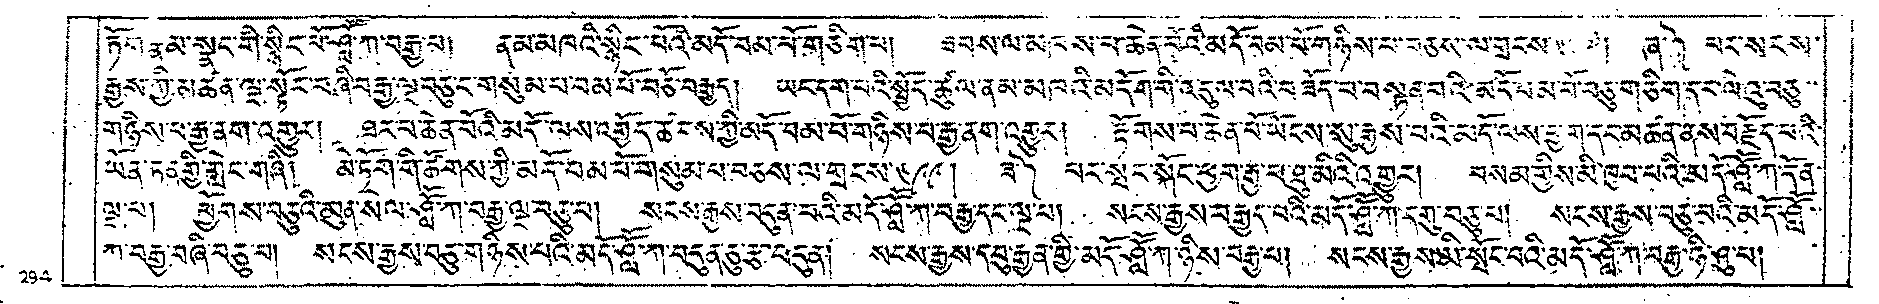ཏོག་རྣམ་སྣང་གི་སྙིང་པོ་ཤླཽ་ཀ་བརྒྱ་པ། ནམ་མཁའི་སྙིང་པོའི་མདོ་བམ་པོ་གཅིག་པ། ཐབས་ལ་མཁས་པ་ཆེན་པོའི་མདོ་བམ་པོ་གཉིས་པ་བཅས་ལ་གྲངས ༤༤༧། ཞ྄་པར་སངས་
རྒྱས་ཀྱི་མཚན་ལྔ་སྟོང་བཞི་བརྒྱ་ལྔ་བཅུ་ང་གསུམ་པ་བམ་པོ་བཅོ་བརྒྱད། ཡང་དག་པའི་སྤྱོད་ཚུལ་ནམ་མཁའི་མདོག་གི་འདུལ་བའི་བཟོད་པ་བསྟན་པའི་མདོ་བམ་པོ་བཅུ་གཅིག་དང་ལེའུ་བཅུ་
གཉིས་པ་རྒྱ་ནག་འགྱུར། ཐར་པ་ཆེན་པོའི་མདོ་ལས་འགྱོད་ཆོངས་ཀྱི་མདོ་བམ་པོ་གཉིས་པ་རྒྱ་ནག་འགྱུར། རྟོགས་པ་ཆེན་པོ་ཡོངས་སུ་རྒྱས་པའི་མདོ་ལས་ཕྱག་དང་མཚན་ནས་བརྗོད་པའི་
ཡོན་ཏན་གྱི་གླེང་བཞི། མེ་ཏོག་གི་ཚོགས་ཀྱི་མདོ་བམ་པོ་གསུམ་པ་བཅས་ལ་གྲངས ༤༩༩། ཟ྄་པར་སྤང་སྐོང་ཕྱག་རྒྱ་པ་ཐུ་མིའི་འགྱུར། བསམ་གྱིས་མི་ཁྱབ་པའི་མདོ་ཤླཽ་ཀ་དོན་
ལྔ་པ། ཕྱོགས་བཅུའི་མུན་སེལ་ཤླཽ་ཀ་བརྒྱ་ལྔ་བཅུ་པ། སངས་རྒྱས་བདུན་པའི་མདོ་ཤླཽ་ཀ་བརྒྱ་དང་ལྔ་པ། སངས་རྒྱས་བརྒྱད་པའི་མདོ་ཤླཽ་ཀ་དགུ་བཅུ་པ། སངས་རྒྱས་བཅུ་པའི་མདོ་ཤླཽ་
ཀ་བརྒྱ་བཞི་བཅུ་པ། སངས་རྒྱས་བཅུ་གཉིས་པའི་མདོ་ཤླཽ་ཀ་བདུན་ཅུ་རྩ་བདུན། སངས་རྒྱས་དབུ་རྒྱན་གྱི་མདོ་ཤླཽ་ཀ་ཉིས་བརྒྱ་པ། སངས་རྒྱས་མི་སྤོང་བའི་མདོ་ཤླཽ་ཀ་བརྒྱ་ཉི་ཤུ་པ།